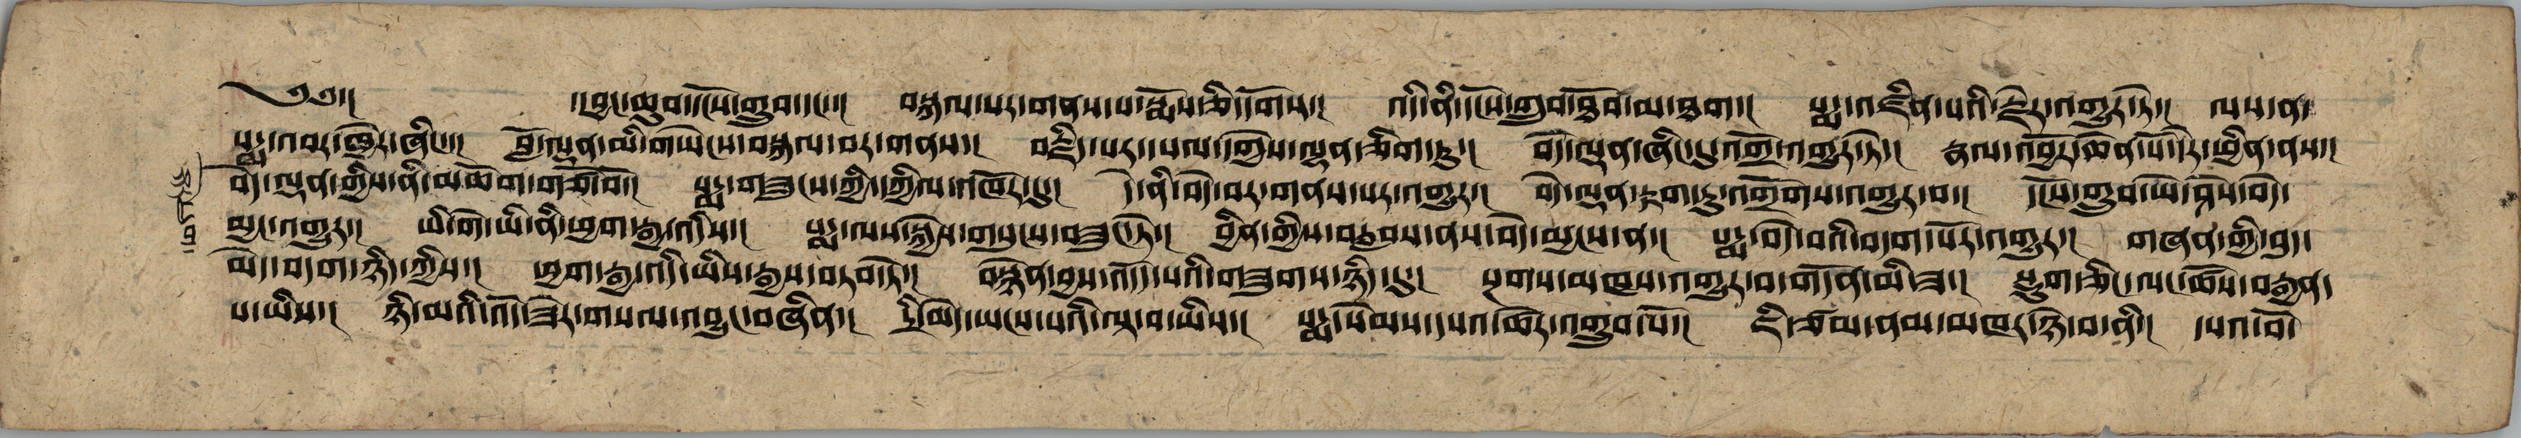༄༅་། ་།བྱང་ཆུབ་དངོས་གྲུབ་དང་་། བསྐལ་པར་གནས་པ་སྨོས་ཅི་དགོས་། འདི་ནི་དངོས་གྲུབ་ཐོབ་མ་ཐག་། པདྨ་འཛིན་པའི་རྗེར་འགྱུར་ཏེ་། ལས་ན་
པདྨ་འབར་ཁྱེར་ཞིང་་། བློ་ལྡན་མི་གཡེངས་བསྐལ་བར་གནས་། བརྗིད་པར་དཔལ་དགྱེས་ལྷན་ཅིག་ཏུ་། བདེ་ལྡན་ཞིང་དུ་འགྲོ་འགྱུར་ཏེ་། རྣལ་འབྱོར་ཆེན་པོ་དེར་ཕྱིན་ནས་།
བདེ་ལྡན་གྱིས་ནི་མཆོག་གཙོ་བོ་། པདྨ་གཟུངས་ཀྱི་དཀྱིལ་འཁོར་དུ་། དེ་ནི་བདེ་བར་གནས་པར་འགྱུར་། བདེ་ལྡན་རྟག་ཏུ་འགྲོགས་འགྱུར་བ་། དངོས་གྲུབ་ཡེ་ཤེས་བདེ་
མྱང་འགྱུར་། ཡི་གེ་ཡི་ནི་ཕྱག་རྒྱ་འདིས་། པདྨ་ལས་སྐྱེས་གསུངས་བཟུང་ཏེ་། བྱིན་གྱིས་བརླབས་ནས་བདེ་མྱངས་ན་། པདྨ་བདེ་བའི་བདག་པོར་འགྱུར་། གཞན་གྱི་བུད་
མེད་བདག་ཉིད་ཀྱིས་། ཕྱག་རྒྱ་འདི་ཡིས་རྒྱས་བཏབ་ཏེ་། བསྙེན་བྱས་འདོད་པའི་གཟུགས་ཉིད་དུ་། སྔགས་མཁས་འགྱུར་བ་གདོན་མི་ཟ་། སྡུག་ཅིང་ལང་ཚོས་བརྒྱན་
པ་ཡིས་། ཉི་མའི་འོད་ཟེར་གསལ་འབྱུང་བཞིན་། དྲི་མེད་ཡངས་པའི་ལྟ་བ་ཡིས་། པདྨ་སེམས་དཔའ་ཚོར་འགྲུབ་པོ་། ཇི་ཙམ་ནམ་མཁར་ཉེ་བ་ནི་། དཔའ་བོ་